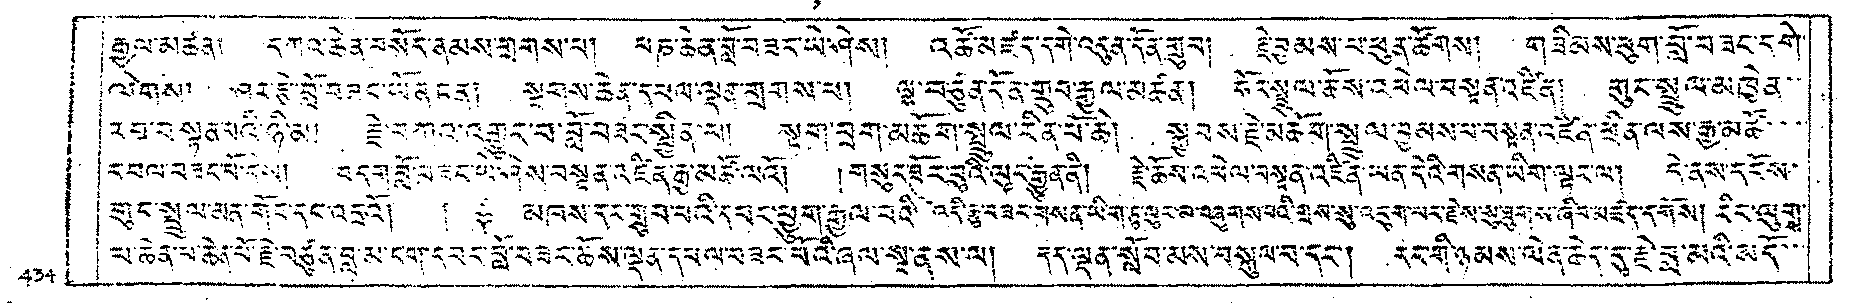རྒྱལ་མཚན། དཀའ་ཆེན་བསོད་ནམས་གྲགས་པ། པཎ་ཆེན་བློ་བཟང་ཡེ་ཤེས། འཚོ་མཛད་དགེ་འདུན་དོན་གྲུབ། རྗེ་བྱམས་པ་ཕུན་ཚོགས། གཟིམས་ཕུག་བློ་བཟང་དགེ་
ལེགས། ཤར་རྩེ་བློ་བཟང་ཡོན་ཏན། སྔགས་ཆེན་དཔལ་ལྡན་གྲགས་པ། ལྷ་བཙུན་དོན་གྲུབ་རྒྱལ་མཚན། ཧོར་སྤྲུལ་ཆོས་འཕེལ་བསྟན་འཛིན། གུང་སྤྲུལ་མཁྱེན་
རབ་བསྟན་པའི་ཉི་མ། རྗེ་བཀའ་འགྱུར་བ་བློ་བཟང་སྦྱིན་པ། སྟག་བྲག་མཆོག་སྤྲུལ་རིན་པོ་ཆེ། སྐྱབས་རྗེ་མཆོག་སྤྲུལ་བྱམས་པ་བསྟན་འཛིན་ཕྲིན་ལས་རྒྱ་མཚོ་
དཔལ་བཟང་པོ་དེས། བདག་བློ་བཟང་ཡེ་ཤེས་བསྟན་འཛིན་རྒྱ་མཚོ་ལའོ། །གསུང་ཐོར་བུའི་ལུང་རྒྱུན་ནི། རྗེ་ཆོས་འཕེལ་བསྟན་འཛིན་ཡན་དེའི་གསན་ཡིག་ལྟར་ལ། དེ་ནས་དངོས་
གུང་སྤྲུལ་མན་གོང་དང་འདྲའོ། །༈ མཁས་དང་གྲུབ་པའི་དབང་ཕྱུག་རྒྱལ་བའི་འདི་ཆུང་བཟང་གསན་ཡིག་ཏུ་ལུང་མ་བཞུགས་པའི་གྲས་སུ་འདུག་པར་རྗེས་སུ་ཐུགས་ཞིབ་མཛད་དགོས།  རིང་ལུགས་
པ་ཆེན་པོ་ཆེན་པོ་རྗེ་བཙུན་བླ་མ་ངག་དབང་བློ་བཟང་ཆོས་ལྡན་དཔལ་བཟང་པོའི་ཞལ་སྔ་ནས་ལ། དད་ལྡན་སློབ་མས་བསྐུལ་བ་དང་། རང་གི་ཉམས་ལེན་ཆེད་དུ་རྗེ་བླ་མའི་མདོ་